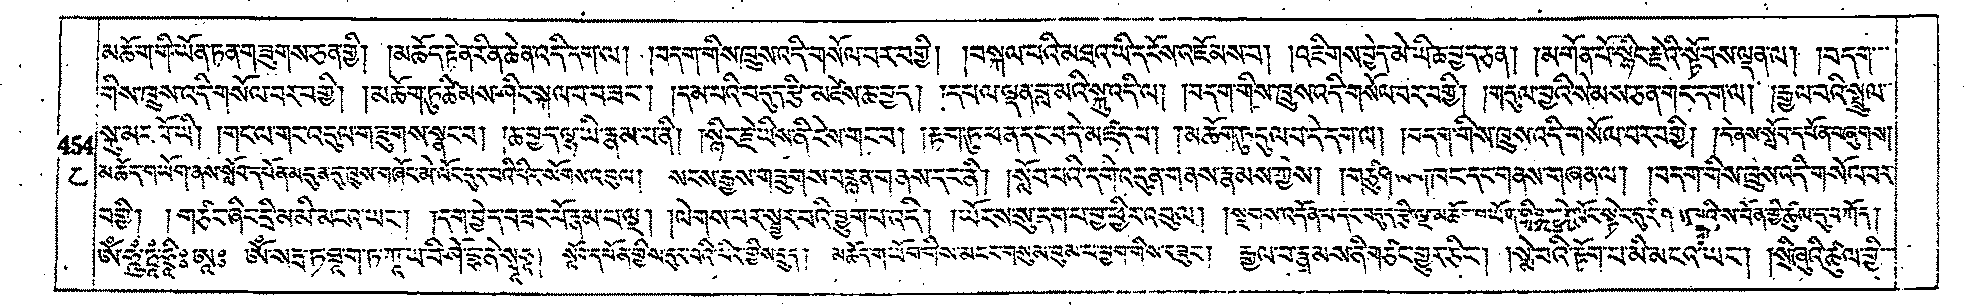མཆོག་གི་ཡོན་ཏན་གཟུགས་ཅན་གྱི། །མཆོད་རྟེན་རིན་ཆེན་འདི་དག་ལ། །བདག་གིས་ཁྲུས་འདི་གསོལ་བར་བགྱི། །བསྐལ་པའི་མཐའ་ཡི་དངོས་འཇོམས་པ། །འཇིགས་བྱེད་མེ་ཡི་ཆ་བྱད་ཅན། །མགོན་པོ་སྙིང་རྗེའི་སྟོབས་ལྡན་ལ། །བདག་
གིས་ཁྲུས་འདི་གསོལ་བར་བགྱི། །མཆོག་ཏུ་ཚིམས་ཤིང་སྐལ་བ་བཟང་། །དམ་པའི་བདུད་རྩི་མཛེས་ཆ་བྱད། །དཔལ་ལྡན་བླ་མའི་སྐུ་འདི་ལ། །བདག་གིས་ཁྲུས་འདི་གསོལ་བར་བགྱི། །གདུལ་བྱའི་སེམས་ཅན་གང་དག་ལ། །རྒྱལ་བའི་སྤྲུལ་
སྐུ་མང་པོ་ཡི། །གང་ལ་གང་འདུལ་གཟུགས་སྣང་བ། །ཆ་བྱད་ལྷ་ཡི་རྣམ་པ་ནི། །སྙིང་རྗེ་ཡིས་ནི་ངེས་གང་བ། །རྟག་ཏུ་ཕན་དང་བདེ་མཛད་པ། །མཆོག་ཏུ་དུལ་བ་དེ་དག་ལ། །བདག་གིས་ཁྲུས་འདི་གསོལ་བར་བགྱི། །དེ་ནས་སློབ་དཔོན་བཞུགས།
མཆོད་གཡོག་ནས་སློབ་དཔོན་མདུན་དུ་ཁྲུས་གཞོང་མེ་ལོང་དུར་བའི་པིར་སོགས་འབུལ། སངས་རྒྱས་གཟུགས་བྲྱན་གནས་དང་ནི། །སློབ་པའི་དགེ་འདུན་གནས་རྣམས་ཀྱིས། །གཙུག་ལག་ཁང་དང་གནས་གཞན་ལ། །བདག་གིས་ཁྲུས་འདི་གསོལ་བར་
བགྱི། །གཙང་ཞིང་དྲི་མ་མི་མངའ་ཡང་། །དག་བྱེད་བཟང་པོ་རྣམ་པ་ལྔ། །ལེགས་པར་སྦྱར་བའི་བྱུག་པ་འདི། །ཡོངས་སུ་དག་པ་བྱ་ཕྱིར་འབུལ། །སྔགས་འདོན་པ་དང་བདུད་རྩི་ལྔ་མཆོད་གཡོག་གི?་ལོང་སྟེང་དུ་རིན། །པའི་ས་བོན་གྱི་ཚུལ་དུ་བཀོད།
ཨོཾ་ཧཱུཾ་ཏྲཱཾ་ཧྲཱིཿཨཱཿ ཨོཾ་སརྦ་ཏ་ཐཱ་ག་ཏ་ཀཱ་ཡ་བི་ཤོ་དྷ་ནེ་སྭཱ་ཧཱ། སློབ་དཔོན་གྱིས་དུར་བའི་པིར་གྱིས་དྲུད། མཆོད་གཡོག་གིས་མངར་གསུམ་བུམ་པ་ཕྱག་གིས་བཟུང་།  རྒྱལ་བ་རྣམས་ནི་གཙང་གྱུར་ཅིང་། །སྨེ་པའི་རྟོག་པ་མི་མངའ་ཡང་། །སྲི་ཞུའི་ཚུལ་གྱི་་་